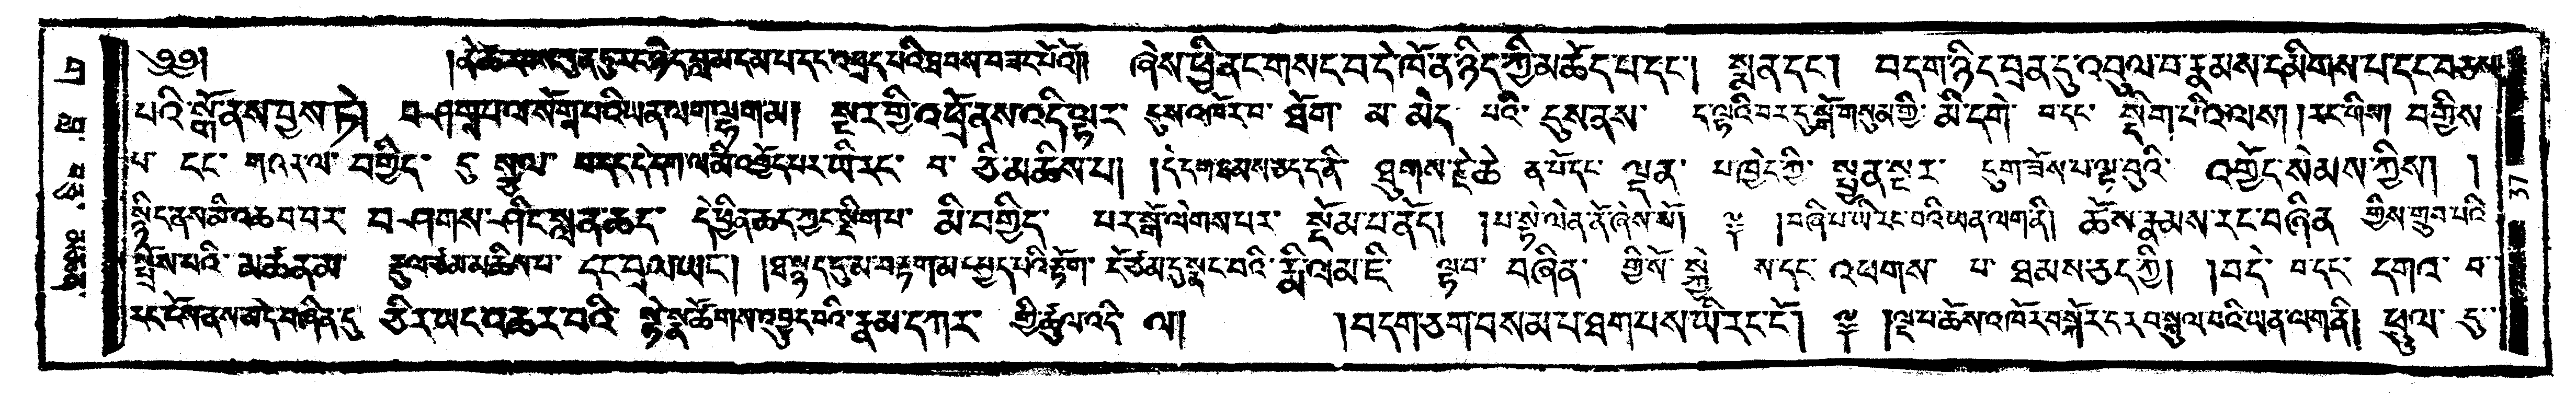༄༅། །ནེ་ཚེ་རབས་ཀུན་ཏུ་རང་ཉིད་བླ་མ་དམ་པ་དང་འཕྲད་པའི་ཐབས་བཟང་པོའོ།། ཞེས་ཕྱི་ནང་གསང་བ་དེ་ཁོ་ན་ཉིད་ཀྱི་མཆོད་པ་དང་། སྨན་དང་། བདག་ཉིད་བྲན་དུ་འབུལ་བ་རྣམས་དམིགས་པ་དང་བཅས་
པའི་སྒོ་ནས་བྱས་ཏེ། བཤགས་པ་ལ་སོགས་པའི་ཡན་ལག་ལྷག་མ། སྔར་གྱི་འཕྲོ་ནས་འདི་ལྟར་དུས་འཁོར་བ་ཐོག་མ་མེད་པའི་དུས་ནས་ད་ལྟའི་བར་དུ་སྒོ་གསུམ་གྱི་མི་དགེ་བ་དང་སྡིག་པའི་ལས། །རང་གིས། བགྱིས་
པ་དང་གཞར་ལ་བགྱིད་དུ་སྩལ་བ་དང་དེ་དག་ལ་མི་འགྱོད་པར་ཡི་རང་བ་ཅི་མཆིས་པ། །དེ་དག་ཐམས་ཅད་ད་ནི་ཐུགས་རྗེ་ཆེན་པོ་དང་ལྡན་པ་ཁྱེད་ཀྱི་སྤྱན་སྔར་དུག་ཟོས་པ་ལྟ་བུའི་འགྱོད་སེམས་ཀྱིས། །
སྙིང་ནས་མི་འཆབ་བར་བཤགས་ཤིང་སླན་ཆད་དེ་ཕྱིན་ཆད་ཀྱང་སྡིག་པ་མི་བགྱིད་པར་སྒོ་ལེགས་པར་སྡོམ་པ་ནོད། །པ་སྟེ་ལེན་ནོ་ཞེས་སོ། ༈ །བཞི་པ་ཡི་རང་བའི་ཡན་ལག་ནི། ཆོས་རྣམས་རང་བཞིན་གྱིས་གྲུབ་པའི་
སྤྲོས་པའི་མཚན་མ་རྡུལ་ཙམ་མཆིས་པ་དང་བྲལ་ཡང་། །ཐ་སྙད་དུ་མ་བརྟག་མ་དཔྱད་པའི་རྟོག་ངོ་ཙམ་དུ་སྣང་བའི་རྨི་ལམ་ཇི་ལྟ་བ་བཞིན་གྱི་སོ་སྐྱེས་དང་འཕགས་པ་ཐམས་ཅད་ཀྱི། །བདེ་བ་དང་དགའ་བ་
རང་ངོས་ནས་མེད་བཞིན་དུ་ཅིར་ཡང་འཆར་བའི་སྟེ་སྣ་ཚོགས་འབྱུང་བའི་རྣམ་དཀར་གྱི་ཚུལ་འདི་ལ། །བདག་ཅག་བསམ་པ་ཐག་པས་ཡི་རང་ངོ། ༈ །ལྔ་པ་ཆོས་འཁོར་བསྐོར་དར་བསྐུལ་བའི་ཡན་ལག་ནི། ཕྲུལ་དུ་